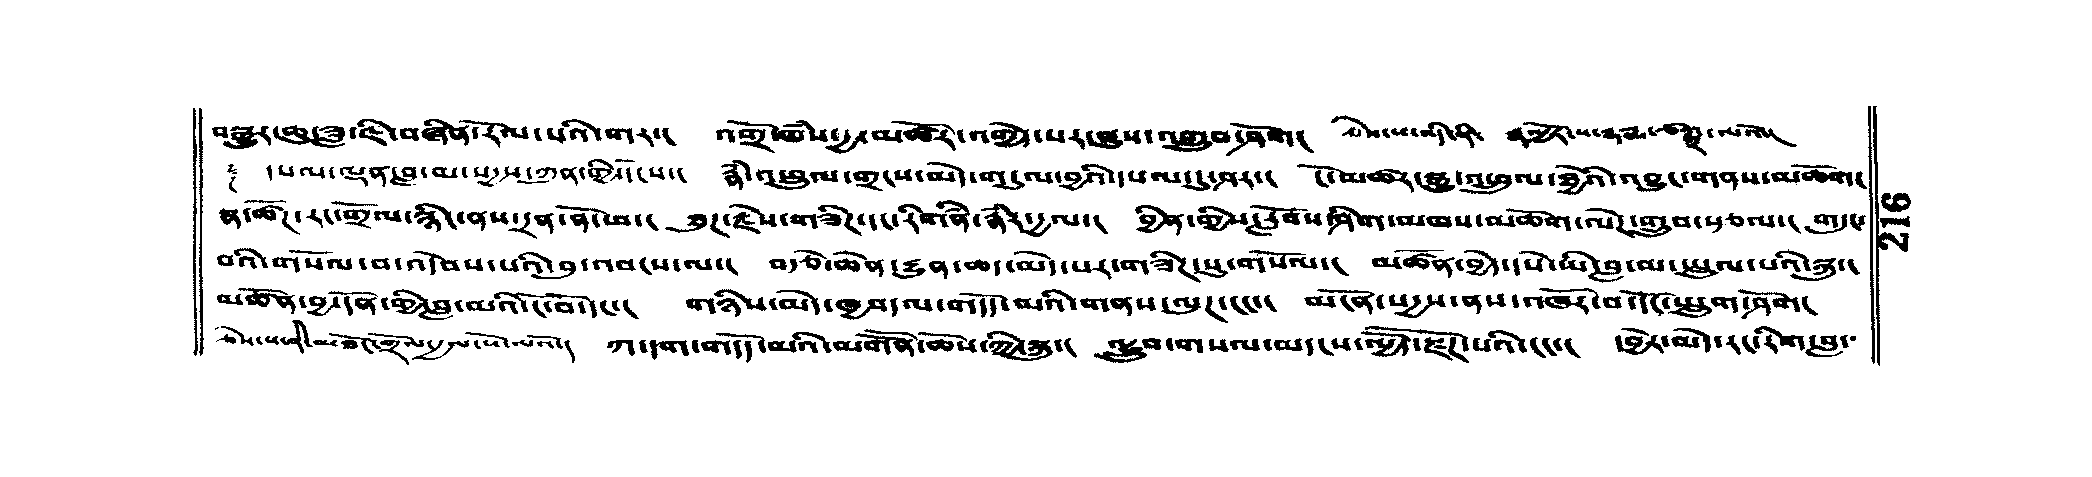བསྒྱུར་ཆུ་ཟླ་ཇི་བཞིན་རོལ་པའི་གར། །འགྲོ་ཁམས་རྒྱ་མཚོར་འགྱེད་པར་ནུས་འགྲུབ་ཤོག ཅེས་པ་འདི་ནི་རྣལ་འབྱོར་པ་དྷརྨ་ཙཀྲ་ལའོ།། 
༈ དཔལ་ལྡན་བླ་མ་སངས་རྒྱས་ཀུན་གྱི་དངོས། །རྣམ་འཕྲུལ་གྲངས་མེད་གདུལ་བྱའི་དཔལ་དུ་ཤར། །ངོ་མཚར་སྒྱུ་འཕྲུལ་ཐུགས་རྗེའི་འབྱུང་གནས་མཆོག།
སྣ་ཚོགས་རང་གྲོལ་སྙིང་ནས་དྲན་ནོ་ཕ། །ཐུགས་རྗེས་གཟིགས་དང་རིག་འཛིན་རྣམ་པར་རྒྱལ། །བྱིན་གྱིས་རློབས་ཤིག་མཁས་མཆོག་ལེགས་གྲུབ་རྩལ། །གདུང་
བས་གསོལ་བ་འདེབས་པའི་བུ་འབངས་ལ། །བརྩེ་ཆེན་རྒྱུད་ཆད་མེད་པར་གཟིགས་སུ་གསོལ། །མཚོན་བྱེད་དཔེ་ཡི་བླ་མ་སྤྲུལ་པའི་སྐུ། །
མཚོན་བྱ་དོན་གྱི་བླ་མའི་ངོ་བོ་དང་། །གཉིས་མེད་ཁྱབ་བདལ་གདོད་མའི་གནས་ལུགས་ངང་། །མངོན་སངས་རྒྱས་ནས་འཁོར་བ་དོང་སྤྲུག་ཤོག 
ཅེས་པ་ནི་མཐོང་གྲོལ་རྒྱལ་པོ་ལའོ།། ཀ་དག་གདོད་མའི་མགོན་པོ་ཆོས་ཀྱི་སྐུ། །ལྷུན་གྲུབ་གསལ་མདངས་ལོངས་སྤྱོད་རྫོགས་པའི་ངང་། །དབྱེར་མེད་རང་རིག་བླ་